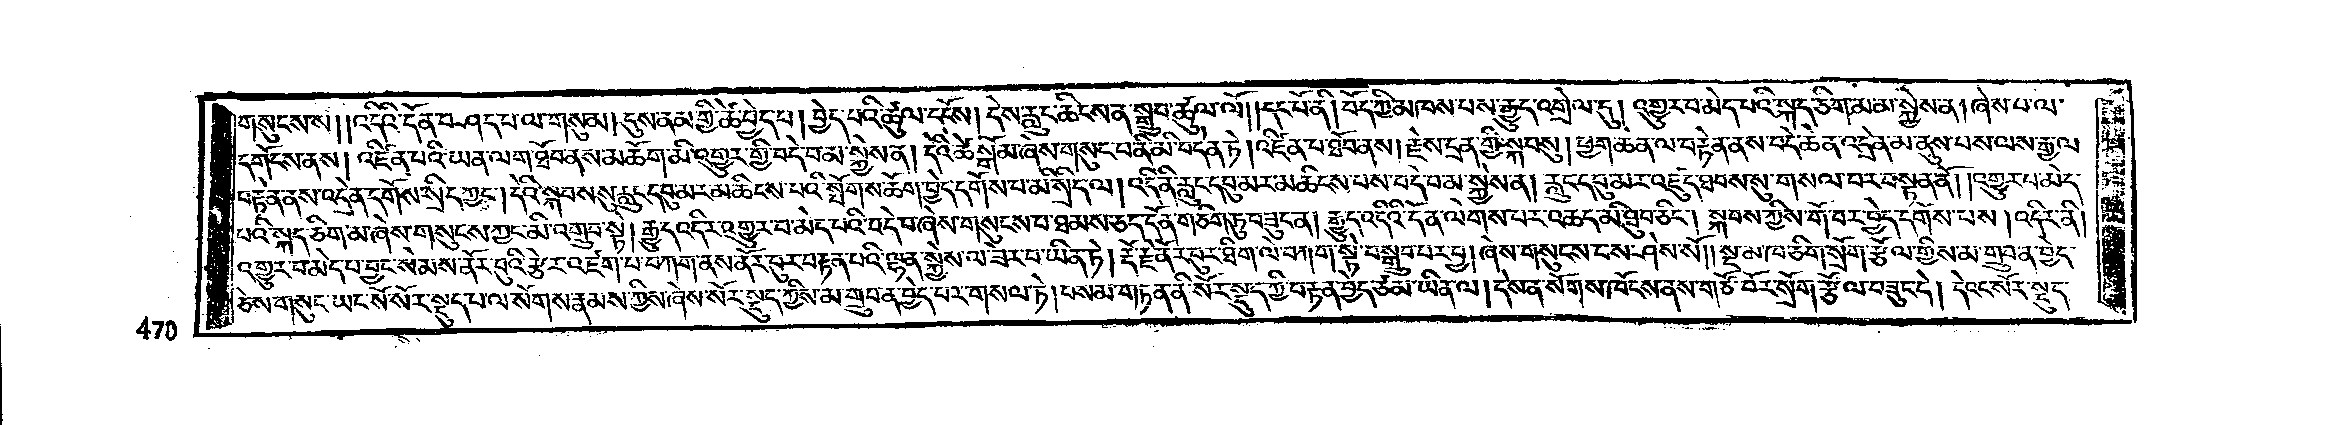གསུངས་སོ། །འདིའི་དོན་བཤད་པ་ལ་གསུམ། དུས་ནམ་གྱི་ཚེ་བྱེད་པ། བྱེད་པའི་ཚུལ་དངོས། དེས་རླུང་ཆིངས་ན་སྒྲུབ་ཚུལ་ལོ། །དང་པོ་ནི། བོད་ཀྱི་མཁས་པས་རྒྱུད་འགྲེལ་དུ། འགྱུར་བ་མེད་པའི་སྐད་ཅིག་མ་མ་སྐྱེས་ན། ཞེས་པ་ལ་
དགོངས་ནས། འཛིན་པའི་ཡན་ལག་ཐོབ་ནས་མཆོག་མི་འགྱུར་གྱི་བདེ་བ་མ་སྐྱེས་ན། དེའི་ཚེ་སྒོམ་ཞེས་གསུང་པ་ནི་མི་བདེན་ཏེ། འཛིན་པ་ཐོབ་ནས། རྗེས་དྲན་གྱི་སྐབས་སུ། ཕྱག་ཆེན་ལ་བརྟེན་ནས་བདེ་ཆེན་འདྲེན་མ་ནུས་པས་ལས་རྒྱ་ལ་
བརྟེན་ནས་འདྲེན་དགོས་སྲིད་ཀྱང་། དེའི་སྐབས་སུ་རླུང་དབུ་མར་མ་ཆིངས་པའི་སྤོགས་ཆོག་བྱེད་དགོས་པ་མི་སྲིད་ལ། འདི་ནི་རླུང་དབུ་མར་མཆིངས་པས་བདེ་བ་མ་སྐྱེས་ན། རླུང་དབུ་མར་འཛུད་ཐབས་སུ་གསལ་བར་བསྟན་ནོ། །འགྱུར་པ་མེད་
པའི་སྐད་ཅིག་མ་ཞེས་གསུངས་ཀྱང་མི་འགྲུབ་སྟེ། རྒྱུད་འདིར་འགྱུར་བ་མེད་པའི་བདེ་བ་ཞེས་གསུངས་པ་ཐམས་ཅད་དོན་གཅིག་ཏུ་བཟུང་ན། རྒྱུད་འདིའི་དོན་ལེགས་པར་འཆད་མི་ཐུབ་ཅིང་། སྐབས་ཀྱིས་གོ་བར་བྱེད་དགོས་པས། འདིར་ནི།
འགྱུར་བ་མེད་པ་བྱང་སེམས་ནོར་བུའི་རྩེར་འཛག་པ་བཀག་ནས་ནོར་བུར་བརྟན་པའི་ལྷན་སྐྱེས་ལ་ཟེར་བ་ཡིན་ཏེ། རྡོ་རྗེ་ནོར་བུར་ཐིག་ལེ་བཀག་སྟེ་བསྒྲུབ་པར་བྱ། ཞེས་གསུངས་པས་ཤེས་སོ། །སྔ་མ་ཁ་ཅིག་སྲོག་རྩོལ་གྱིས་མ་གྲུབ་ན་བྱེད་
ཅེས་གསུངས་ཡང་སོ་སོར་སྡུད་པ་ལ་སོགས་རྣམས་ཀྱིས་ཞེས་སོར་སྡུད་ཀྱིས་མ་གྲུབ་ན་བྱེད་པར་གསལ་ཏེ། བསམ་གཏན་ནི་སོར་སྡུད་ཀྱི་བརྟན་བྱེད་ཙམ་ཡིན་ལ། དེས་ན་སོགས་ཁོངས་ནས་གཙོ་བོར་སྲོག་རྩོལ་བཟུང་དེ། དེའང་སོར་སྡུད་